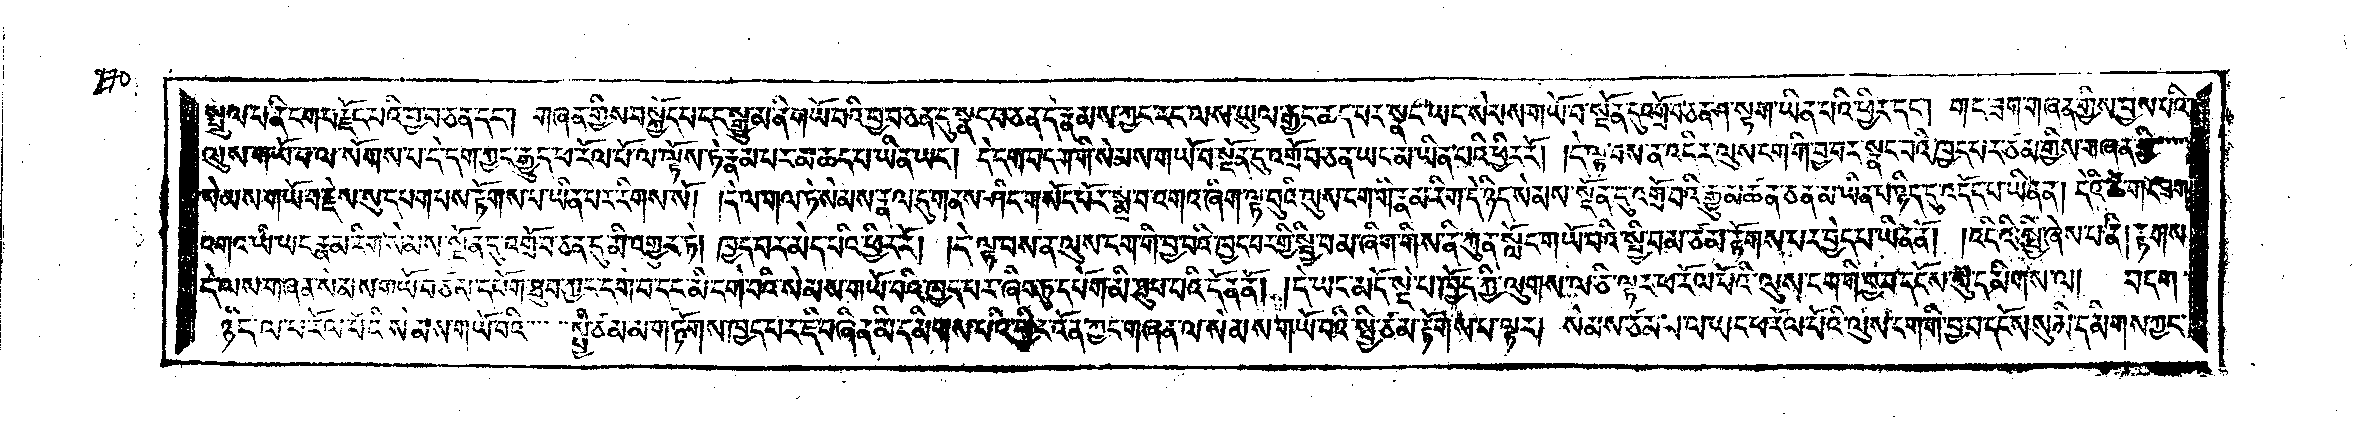སྤྲུལ་པ་ནི་ངག་བརྗོད་པའི་བྱ་བ་ཅན་དང་། གཞན་གྱིས་བསྐྱོད་པ་དང་སྒྱུ་མ་ནི་གཡོ་བའི་བྱ་བ་ཅན་དུ་སྣང་བ་ཅན་དེ་རྣམས་ཀྱང་རང་ལས་ཡུལ་རྒྱང་ཆད་པར་སྣང་ཡང་སེམས་གཡོ་བ་སྔོན་དུ་འགྲོ་བ་ཅན་ཤ་སྟག་ཡིན་པའི་ཕྱིར་དང་། གང་ཟག་གཞན་གྱིས་བྱས་པའི་
ལུས་གཡོ་བ་ལ་སོགས་པ་དེ་དག་ཀྱང་རྒྱུད་ཕ་རོལ་པོ་ལ་ལྟོས་ཏེ་རྣམ་པར་མ་ཆད་པ་ཡིན་ཡང་། དེ་དག་བདག་གི་སེམས་གཡོ་བ་སྔོན་དུ་འགྲོ་བ་ཅན་ཡང་མ་ཡིན་པའི་ཕྱིར་རོ། །དེ་ལྟ་བས་ན་འདིར་ལུས་ངག་གི་བྱ་བར་སྣང་བའི་ཁྱད་པར་ཙམ་གྱིས་གཞན་གྱི་
སེམས་གཡོ་བ་རྗེས་སུ་དཔག་པས་རྟོགས་པ་ཡིན་པར་རིགས་སོ། །དེ་ལ་གལ་ཏེ་སེམས་རྣལ་དུ་གནས་ཤིང་གསོང་པོར་སྨྲ་བ་འགའ་ཞིག་ལྟ་བུའི་ལུས་ངག་གི་རྣམ་རིག་དེ་ཉིད་སེམས་སྔོན་དུ་འགྲོ་བའི་རྒྱུ་མཚན་ཅན་མ་ཡིན་པ་ཉིད་དུ་འདོད་པ་ཡིན་ན། དེའི་ཚེ་གང་ཟག་
འགའ་ཡི་ཡང་རྣམ་རིག་སེམས་སྔོན་དུ་འགྲོ་བ་ཅན་དུ་མི་འགྱུར་ཏེ། ཁྱད་པར་མེད་པའི་ཕྱིར་རོ། །དེ་ལྟ་བས་ན་ལུས་ངག་གི་བྱ་བའི་ཁྱད་པར་གྱི་སྤྱི་བ་མ་ཞིག་གིས་ནི་ཀུན་སློང་གཡོ་བའི་སྤྱི་བམ་ཙམ་རྟོགས་པར་བྱེད་པ་ཡིན་ནོ། །འདིའི་སྤྱི་ཞེས་པ་ནི། རྟགས་
དེ་ལས་གཞན་སེམས་གཡོ་བ་ཙམ་དཔོག་ཐུབ་ཀྱང་དགེ་བ་དང་མི་དགེ་བའི་སེམས་གཡོ་བའི་ཁྱད་པར་ཞིབ་ཏུ་དཔོག་མི་ཐུབ་པའི་དོན་ནོ། །དེ་ཡང་མདོ་སྡེ་པ་ཁྱོད་ཀྱི་ལུགས་ལ་ཅི་ལྟར་ཕ་རོལ་པོའི་ལུས་ངག་གི་བྱ་བ་དངོས་སུ་དམིགས་ལ། བདག་
ཉིད་ལ་ཕ་རོལ་པོའི་སེམས་གཡོ་བའི་སྤྱི་ཙམ་མ་གཏོགས་ཁྱད་པར་ཇི་བཞིན་མི་དམིགས་པའི་ཕྱིར་འོན་ཀྱང་གཞན་ལ་སེམས་གཡོ་བའི་སྤྱི་ཙམ་རྟོགས་པ་ལྟར། སེམས་ཙམ་པ་ལ་ཡང་ཕ་རོལ་པོའི་ལུས་ངག་གི་བྱ་བ་དངོས་སུ་མི་དམིགས་ཀྱང་